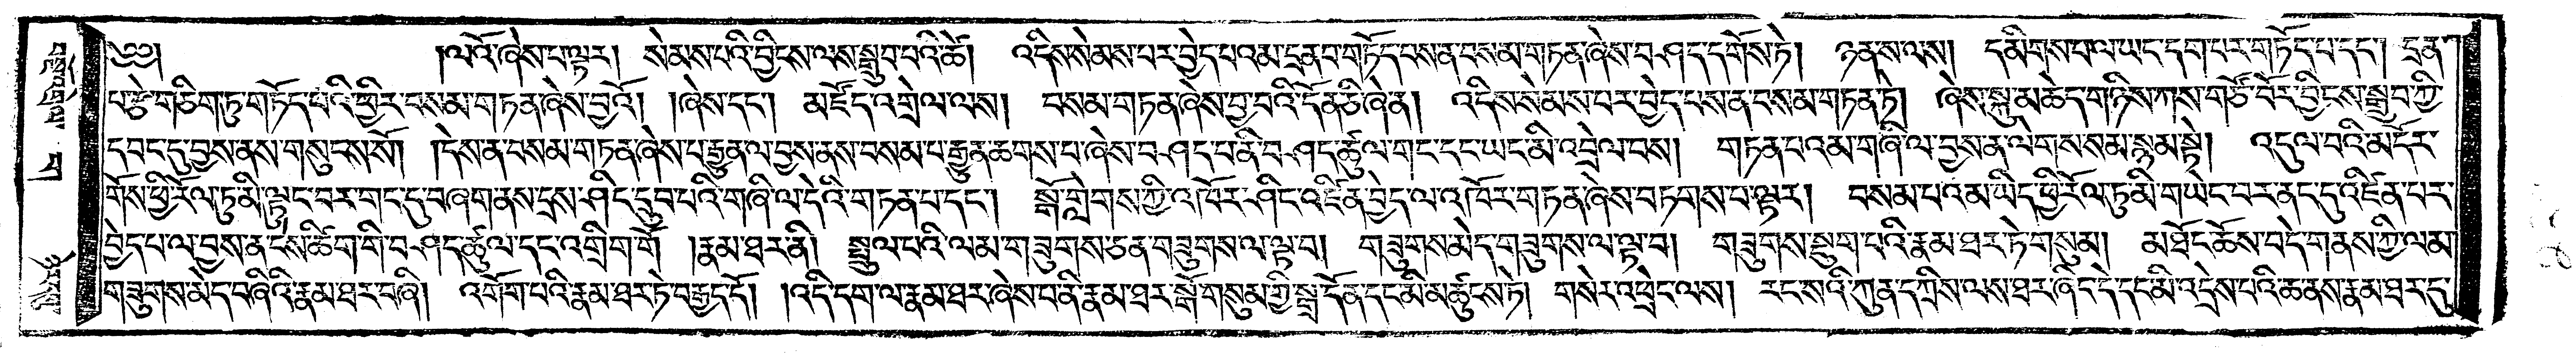༄༅། །ལའོ་ཞེས་པ་ལྟར། སེམས་པའི་བྱིངས་ལས་སྒྲུབ་པའི་ཚེ། འདིས་སེམས་པར་བྱེད་པའམ་དྲན་པ་གཏོད་བས་ན་བསམ་གཏན་ཞེས་བཤད་དགོས་ཏོ། ཉམས་ལས། དམིགས་པ་ལ་ཡང་དག་པར་གཏོད་པ་དང་། ངན་
པ་རྩེ་གཅིག་ཏུ་གཏོད་པའི་ཕྱིར་བསམ་གཏན་ཞེས་བྱའོ། །ཞེས་དང་། མཛོད་འགྲེལ་ལས། བསམ་གཏན་ཞེས་བྱ་བའི་དོན་ཅི་ཞེ་ན། འདིས་སེམས་པར་བྱེད་པས་ན་བསམ་གཏན་ཏེ། ཞེས་སྐུ་མཆེད་གཉིས་ཀས་གཙོ་བོར་བྱིངས་སྒྲུབ་ཀྱི་
དབང་དུ་བྱས་ནས་གསུངས་སོ། །དེས་ན་བསམ་གཏན་ཞེས་པ་རྒྱུན་ལ་བྱས་ནས་བསམ་པ་རྒྱུན་ཆགས་བ་ཞེས་བཤད་པ་ནི་བཤད་ཚུལ་གང་དང་ཡང་མི་འབྲེལ་བས། གཏན་པའམ་གཞི་ལ་བྱས་ན་ལེགས་ས་སྙམ་སྟེ། འདུལ་བའི་མདོར་
གོས་ཕྱི་རོལ་ཏུ་མི་ལྟུང་བར་གང་དུ་བཞག་ནས་དྲས་ཤིང་དྲུབ་པའི་གཞི་ལ་དེའི་གཏན་པ་དང་། སྒོ་གླེགས་ཀྱི་འཁོར་ཤིང་འཛིན་བྱེད་ལ་འཁོར་གཏན་ཞེས་བཏགས་པ་ལྟར། བསམ་པའམ་ཡིད་ཕྱི་རོལ་ཏུ་མི་གཡེང་བར་ནང་དུ་འཛིན་པར་
བྱད་པ་ལ་བྱས་ན་ངས་ཚིག་གི་བཤད་ཚུལ་དང་འགྲིག་གོ །རྣམ་ཐར་ནི། སྤྲུལ་པའི་ལམ་གཟུགས་ཅན་བཟུགས་ལ་ལྟ་བ། གཟུགས་མེད་གཟུགས་ལ་ལྟ་བ། གཟུགས་སྡུག་པའི་རྣམ་ཐར་ཏེ་གསུམ། མཐོང་ཆོས་བདེ་གནས་ཀྱི་ལམ་
གཟུགས་མེད་བཞིའི་རྣམ་ཐར་བཞི། འགོག་པའི་རྣམ་ཐར་ཏེ་བརྒྱད་དོ། །འདི་དག་ལ་རྣམ་ཐར་ཞེས་བ་ནི་རྣམ་ཐར་སྒོ་གསུམ་གྱི་སྒྲ་དོན་དང་མི་མཚུངས་ཏེ། གསེར་འཕྲེང་ལས། རང་སའི་ཀུན་དཀྲིས་ལས་ཐར་ཞིང་དེ་དང་མི་འདྲེས་བའི་ཆ་ནས་རྣམ་པར་དུ་